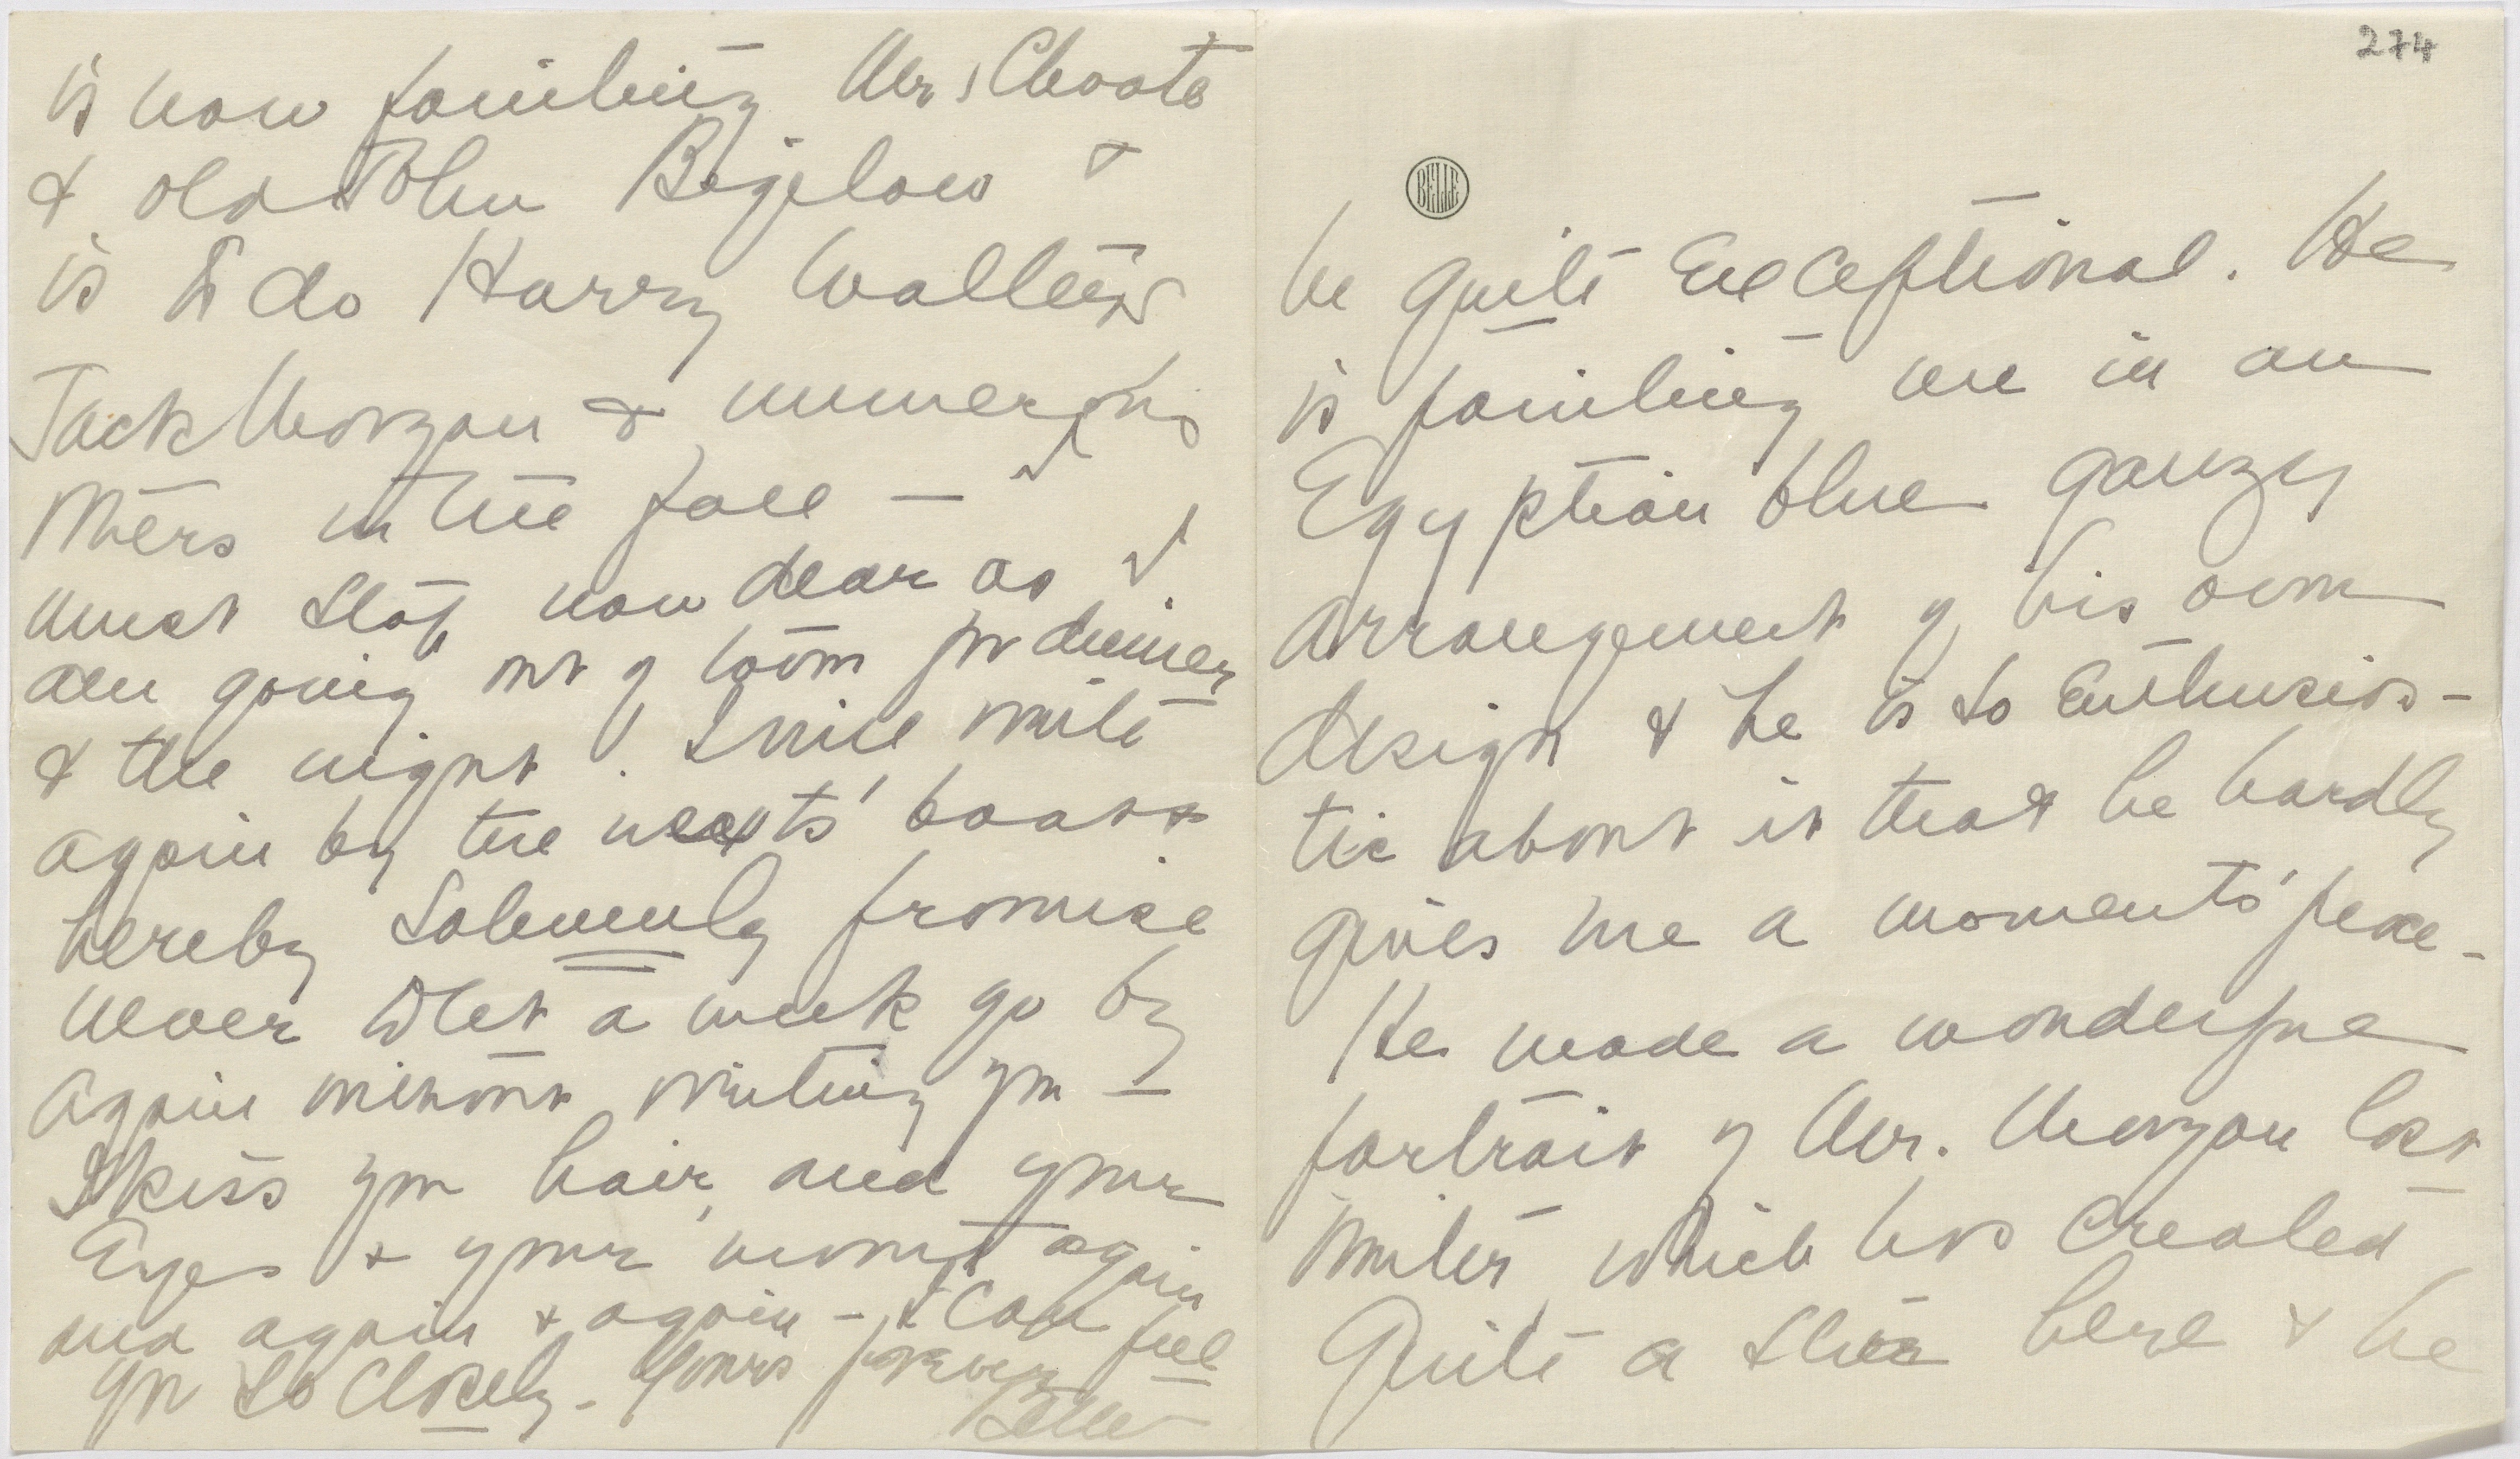be quite exceptional. He is painting me in an Egyptian blue gauzy arrangement of his own design & he is so enthusiastic about it that he hardly gives me a moment’s peace – He made a wonderful portrait of Mr. Morgan last winter which has created quite a stir here & he
is now painting Mr. Choate & old John Bigelow & is to do Harry Walters
Jack Morgan & numerous others in the fall – I must stop now dear as I am going out of town for dinner & the night. I will write again by the nexts’ [sic] boat & hereby [double underlined: solemnly] promise never to let a week go by again without writing you – I kiss your hair, and your Eyes & your mouth again and again & again – I can feel you so closely – Yours forever Belle